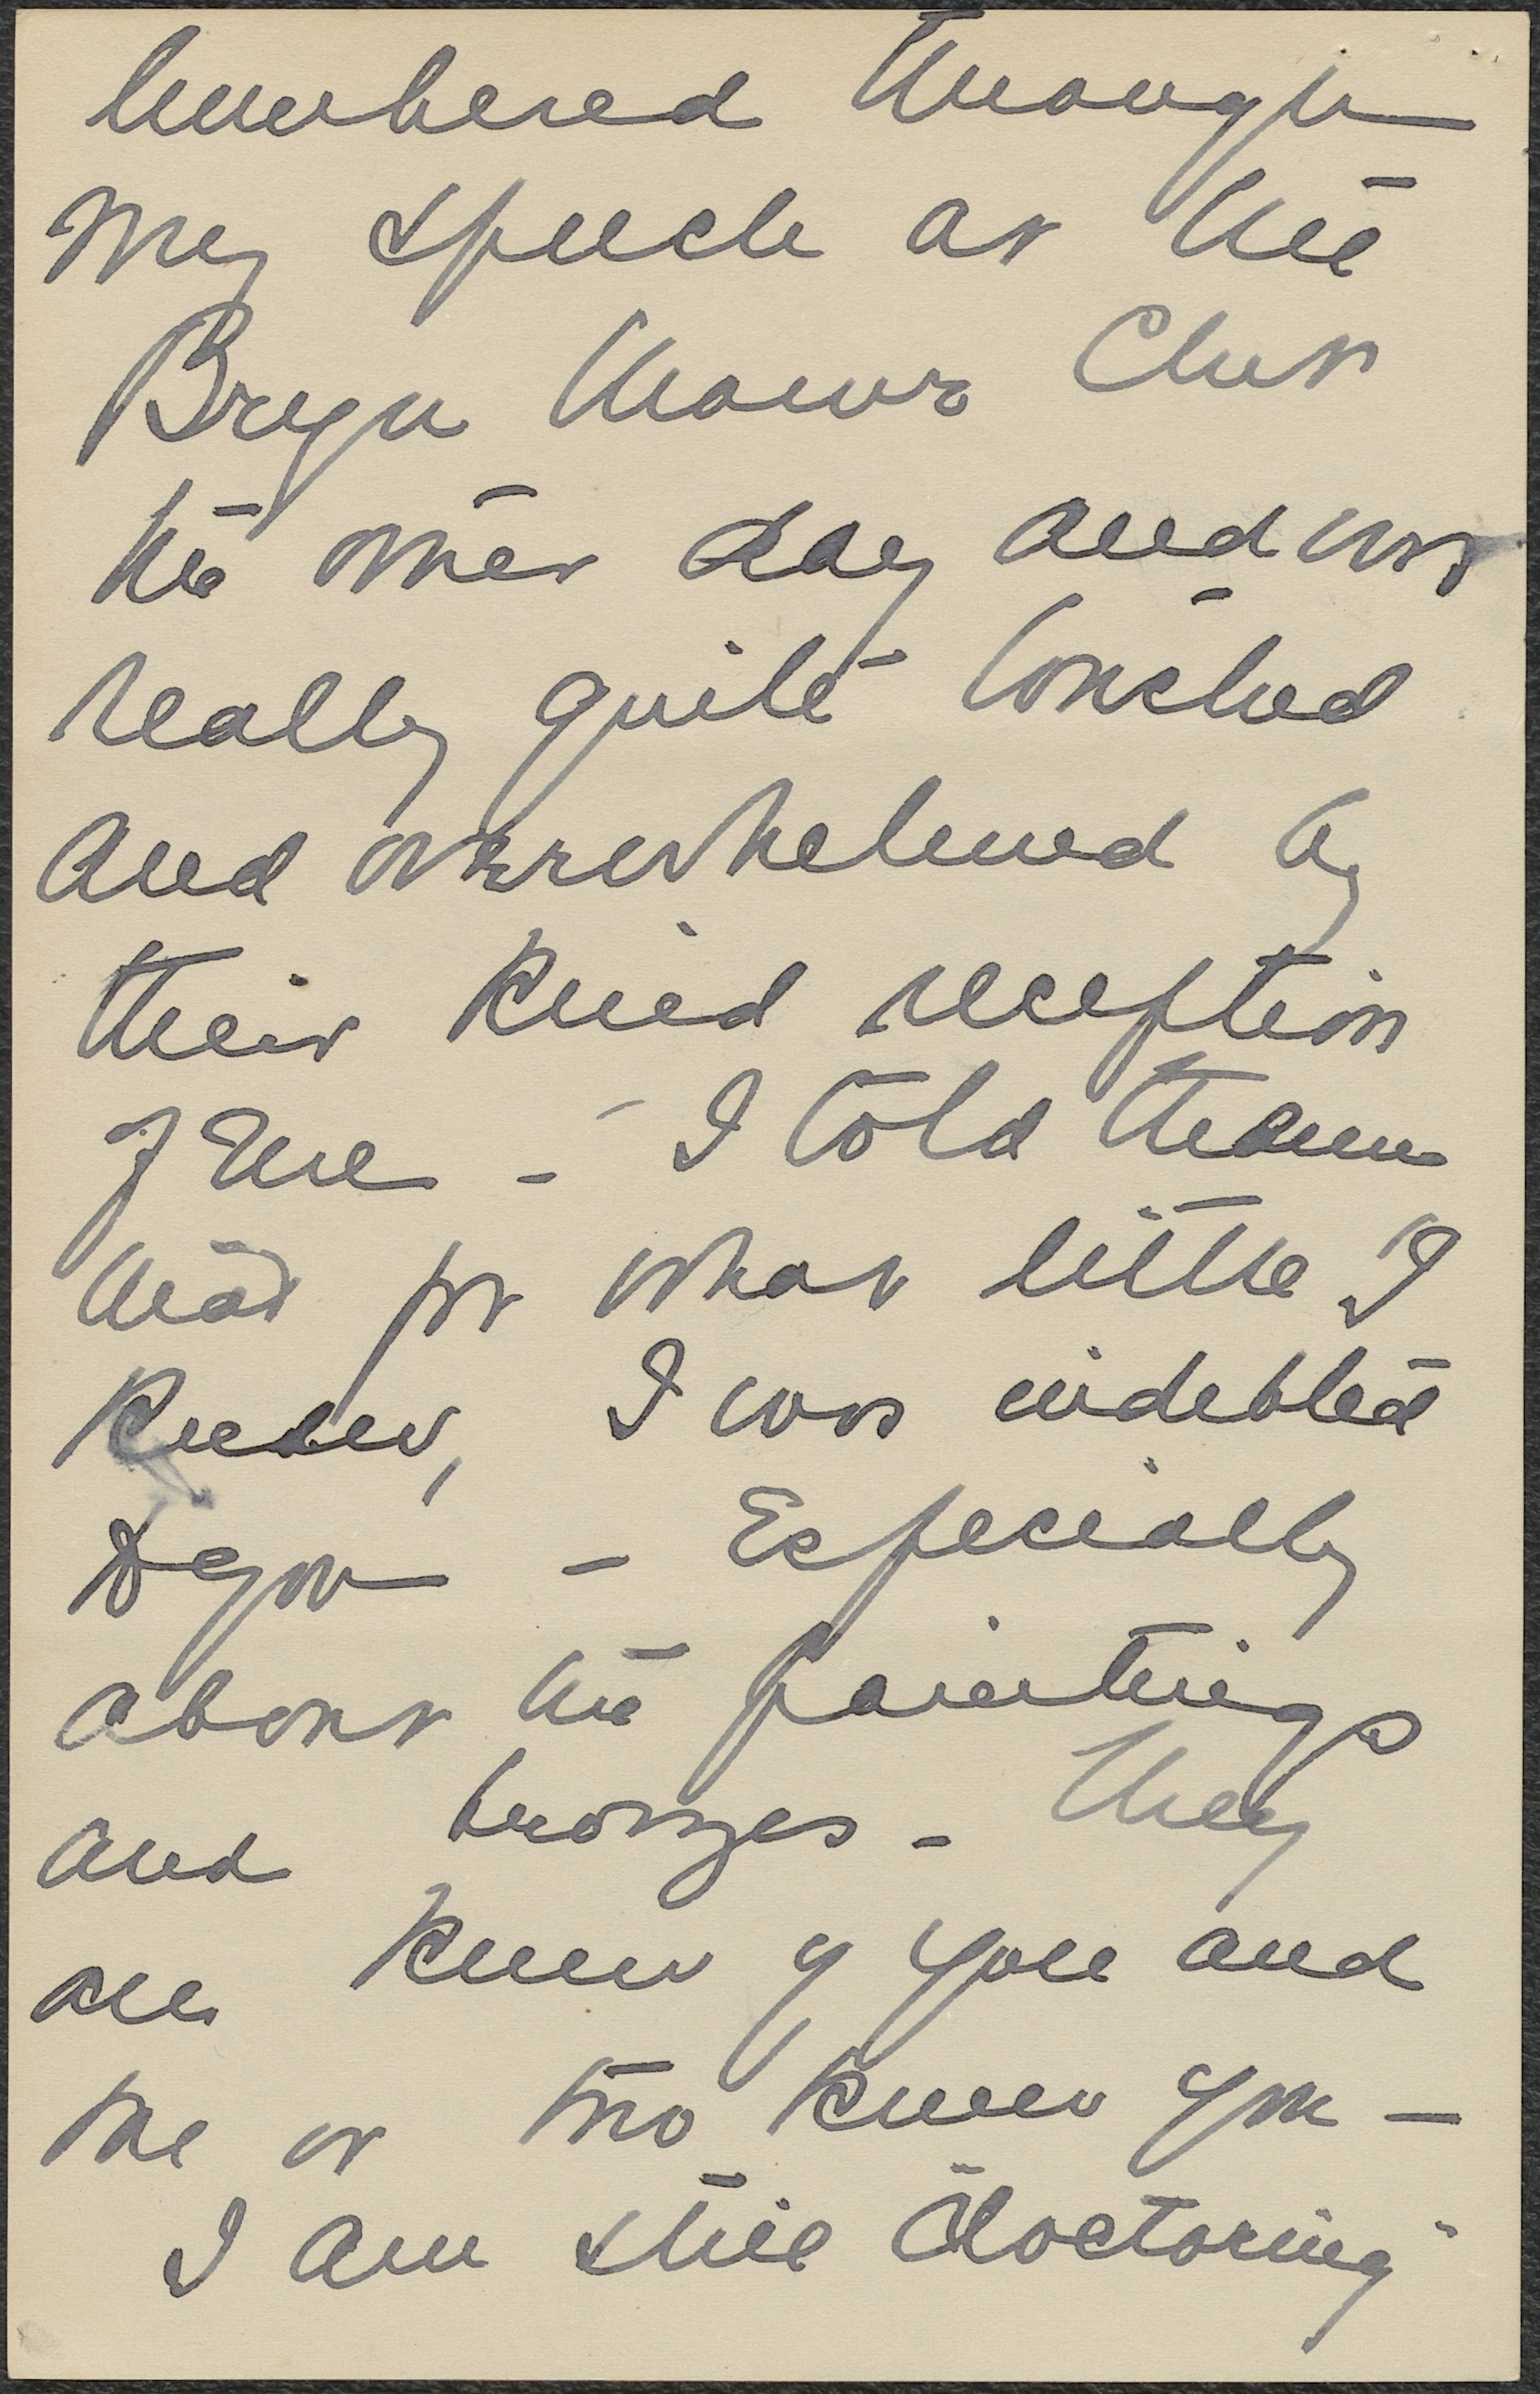lumbered through my speech at the Bryn Mawr Club the other day and was really quite touched and overwhelmed by their kind reception of me – I told them that for what little I know, I was indebted to you – especially about the paintings and bronzes – They all knew of you and one or two knew you –
I am still doctoring